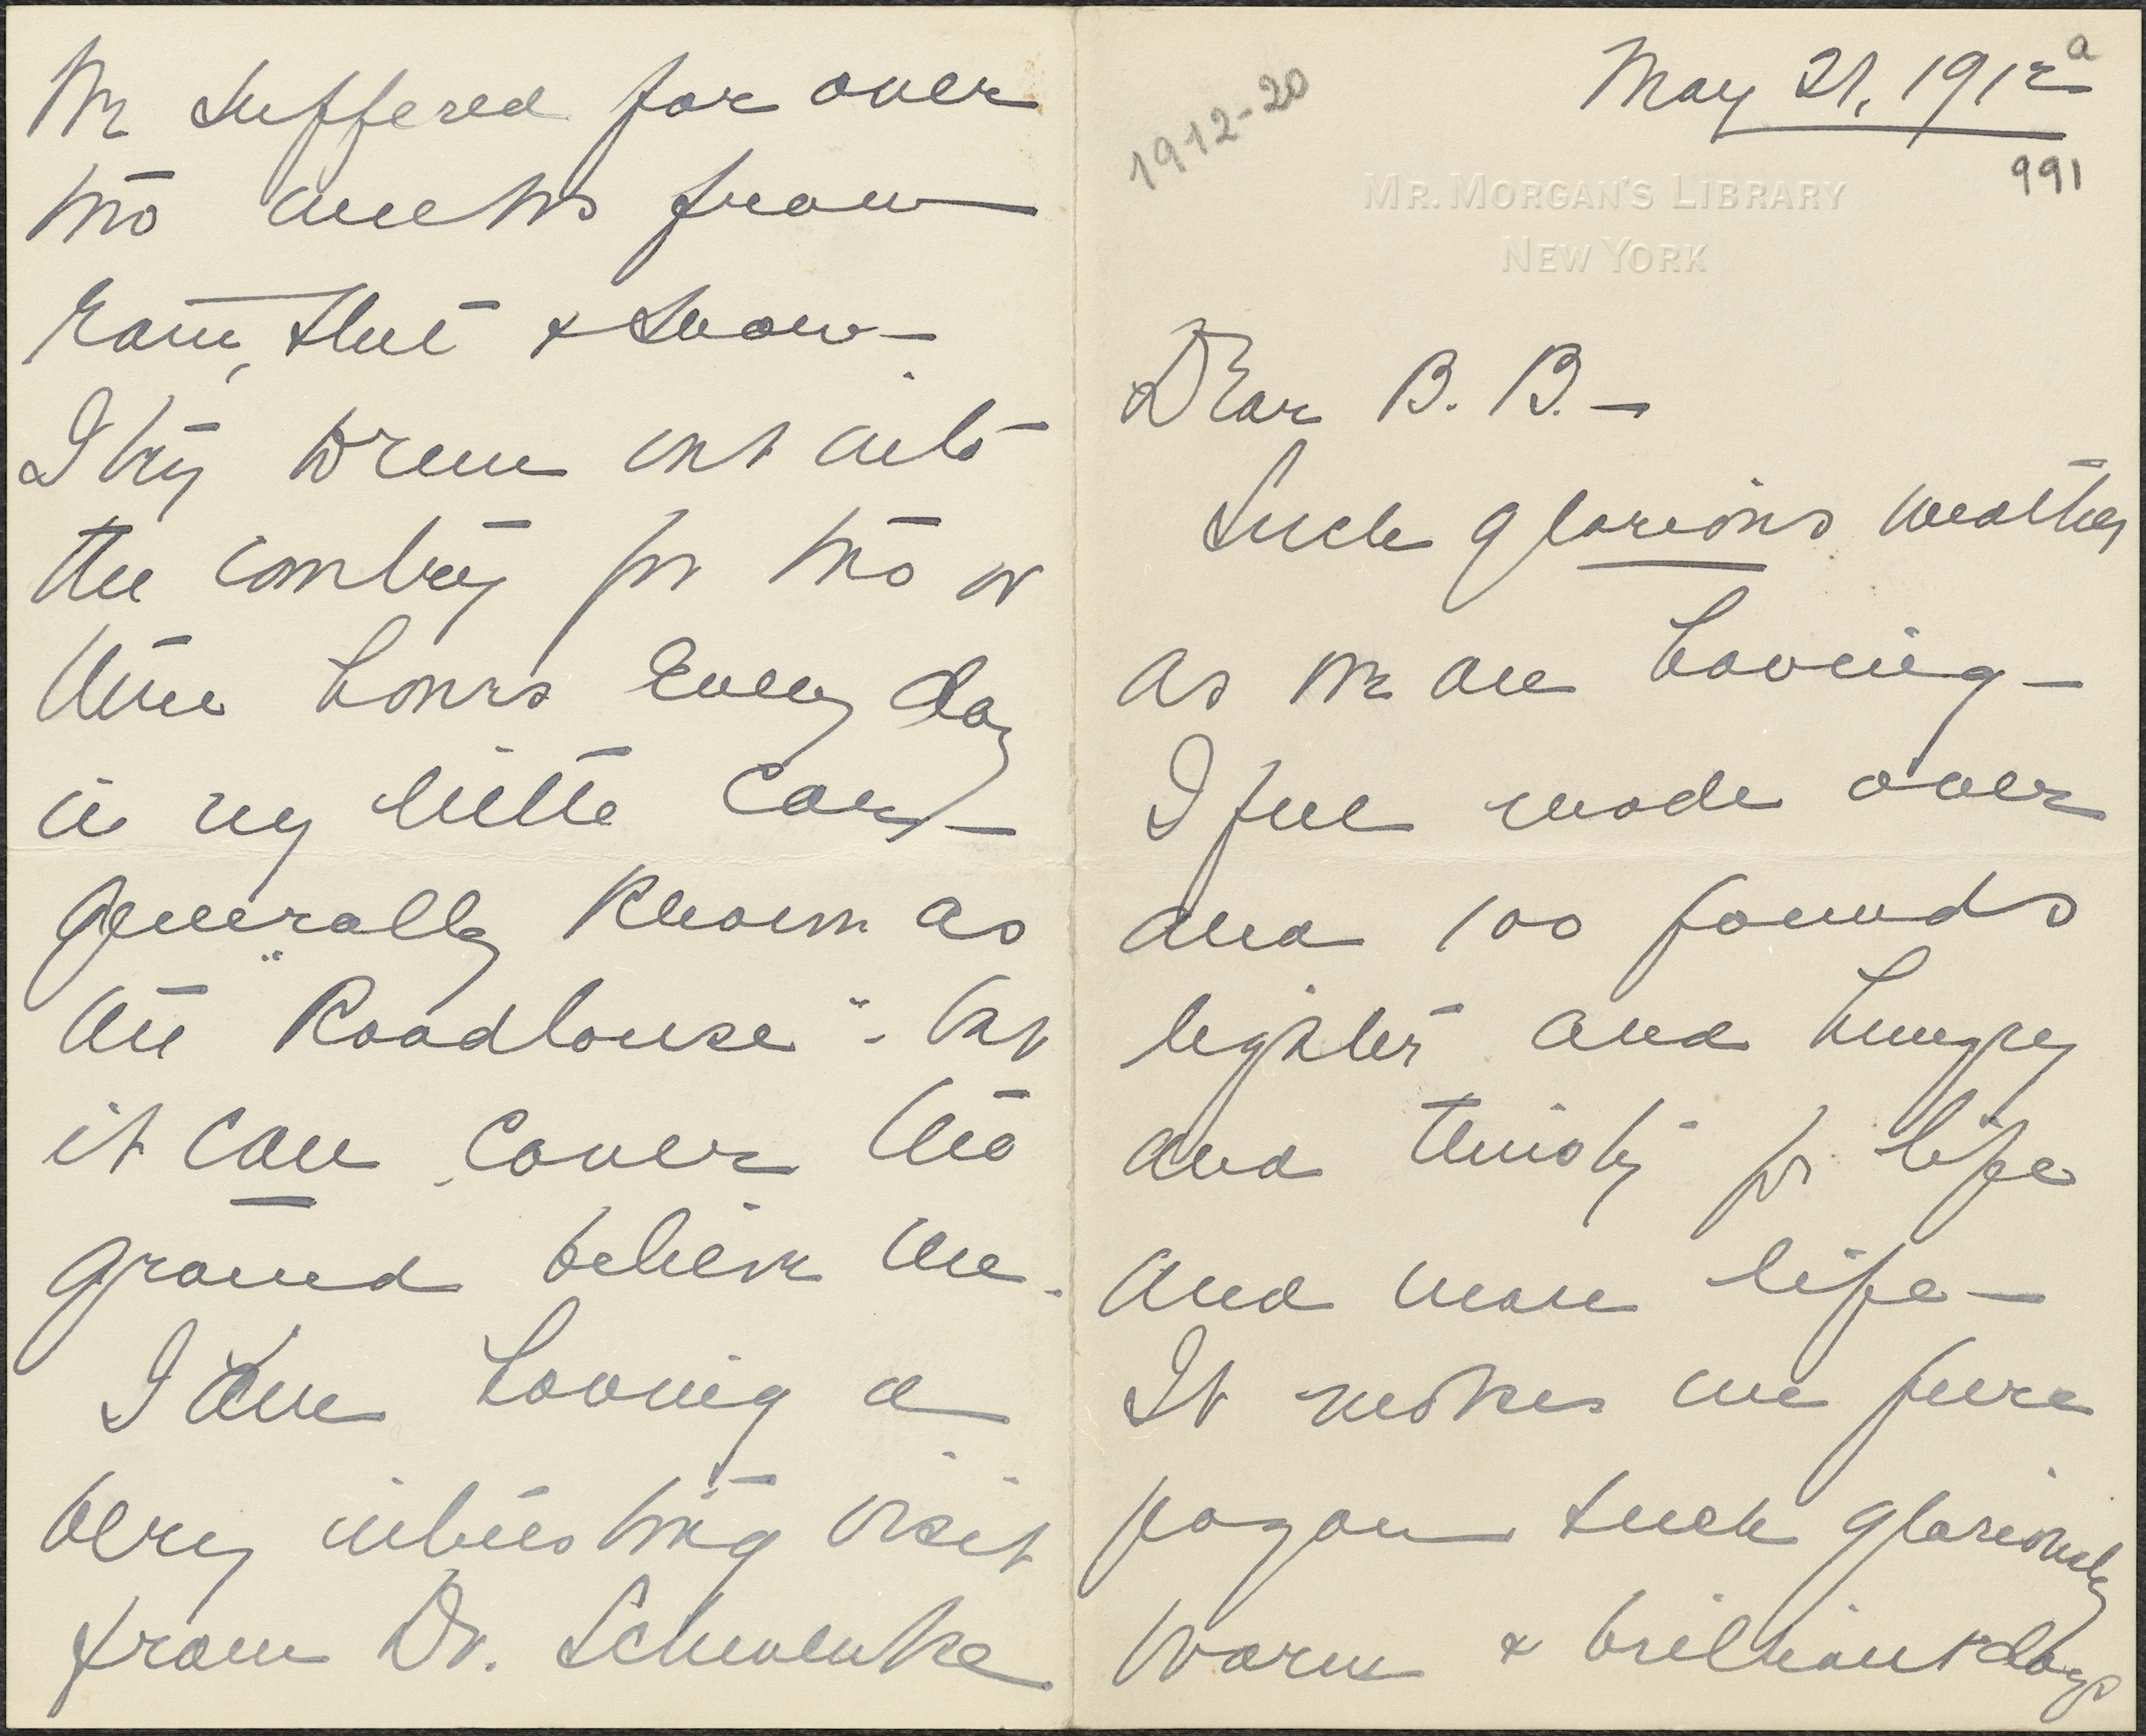May 21, 1912
Dear B. B. –
Such glorious weather as we are having –
I feel made over and 100 pounds lighter and hungry and thirsty for life and more life –
It makes me pure pagan such gloriously warm & brilliant days
We suffered for over two weeks from rain, sleet & snow.
I try to run out into the country for two or three hours every day in my little car – generally known as the “Roadlouse” – but it can cover the ground believe me –
I am having a very interesting visit from Dr. Schwenke